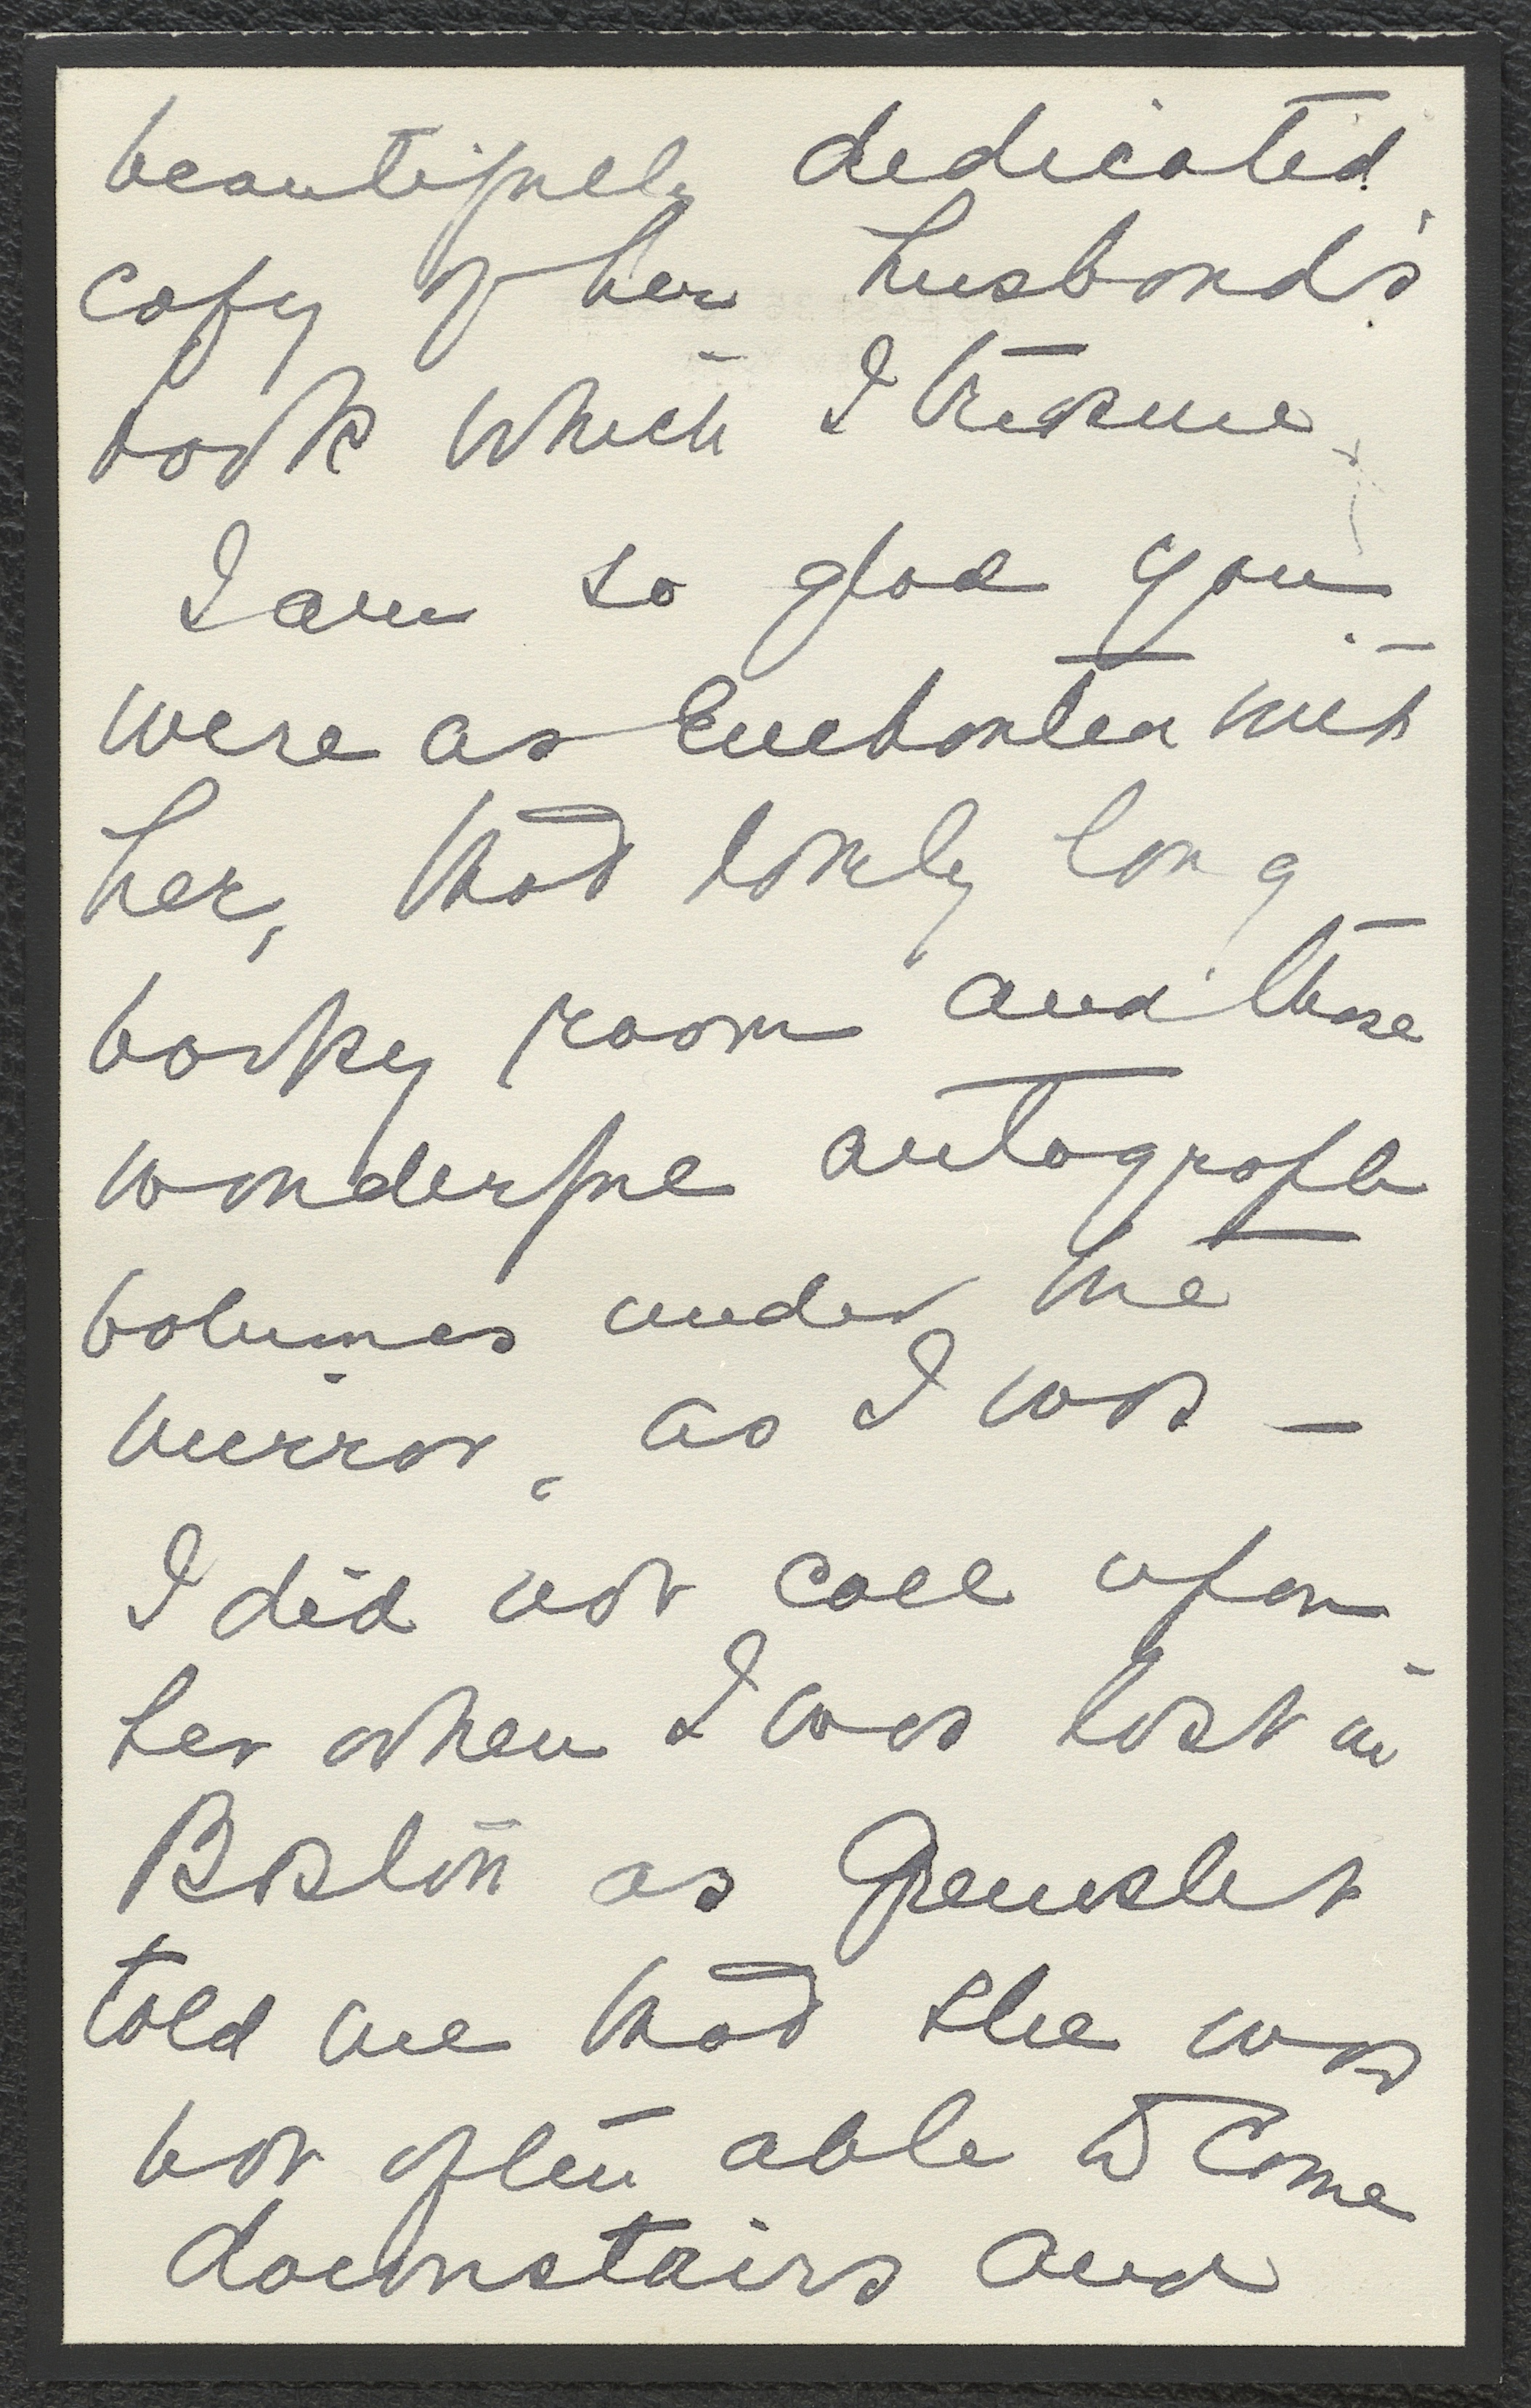beautifully dedicated copy of her husband’s book which I treasure.
I am so glad you were as enchanted with her, that lovely long booky room and those wonderful autograph volumes under the mirror, as I was –
I did not call upon her when I was last in Boston as Greenslet told me that she was not often able to come downstairs and